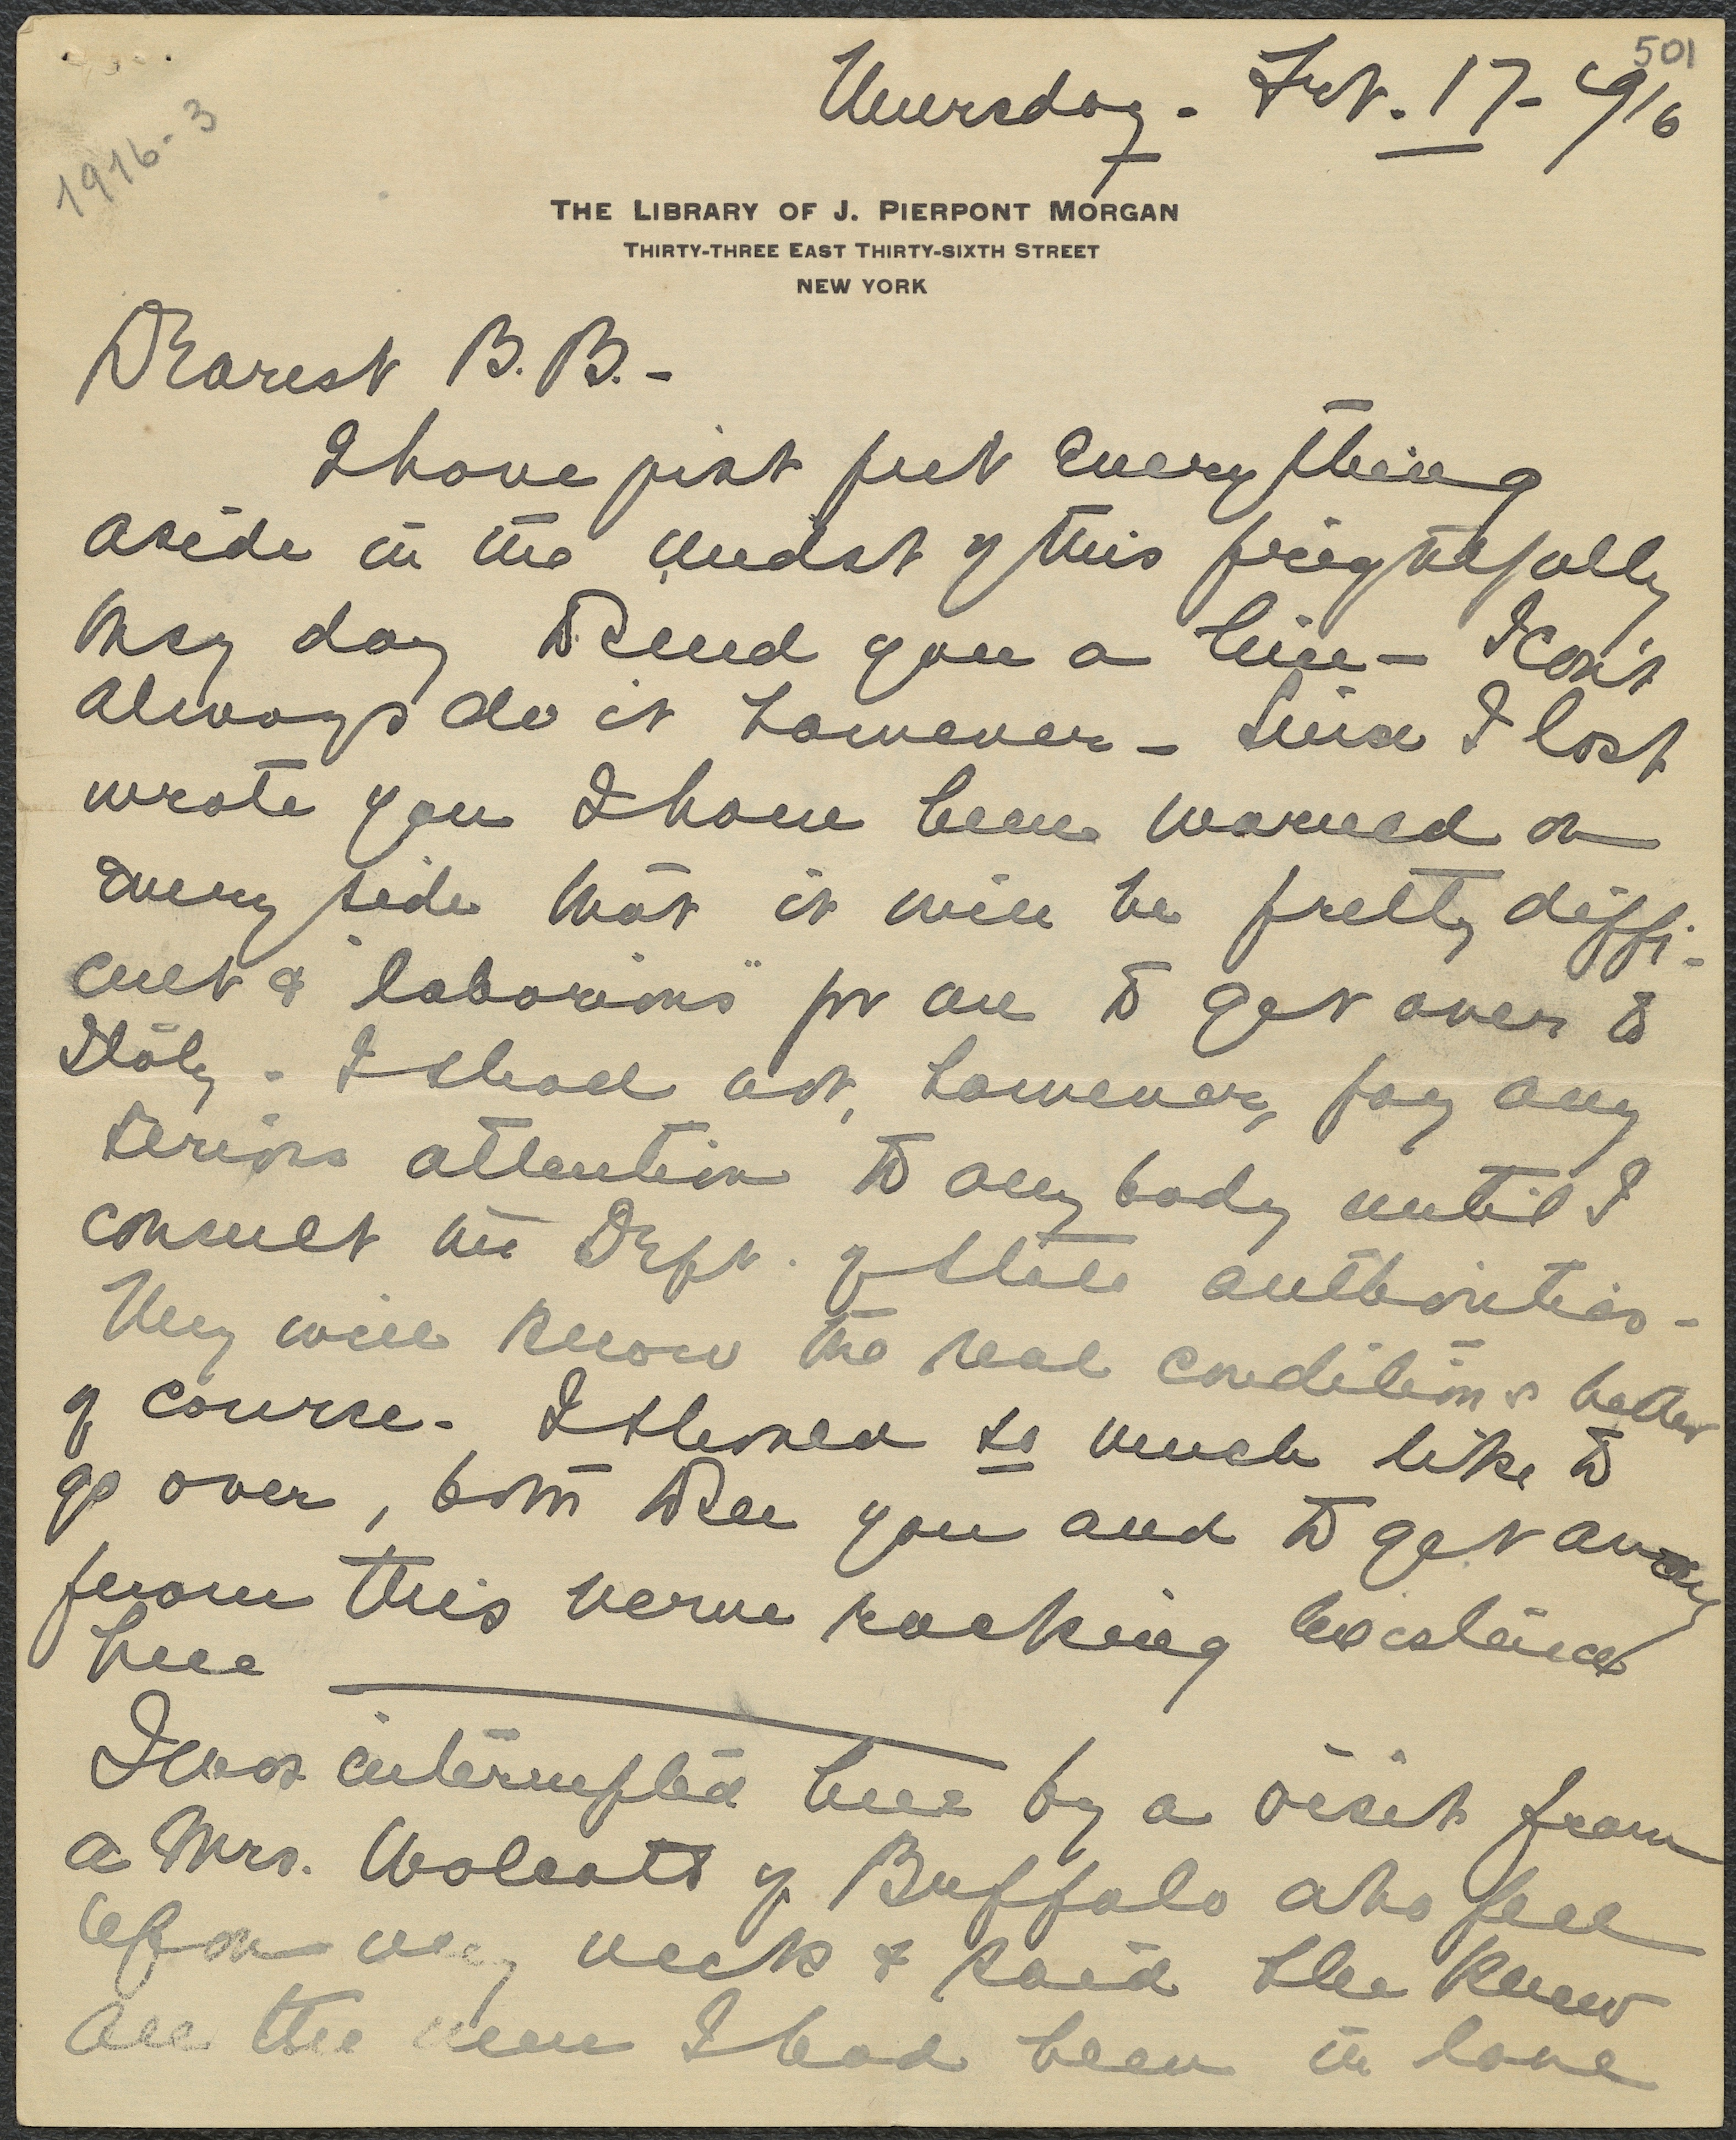Thursday – Feb. 17 – 1916
Dearest B.B. –
I have just put everything aside in the midst of this frightfully busy day to send you a line – I can't always do it however – Since I last wrote you I have been warned on every side that it will be pretty difficult & "laborious" for me to get over to Italy. I shall not, however, pay any serious attention to anybody until I consult the Dept. of State authorities – They will know the real conditions better of course. I should so much like to go over, both to see you and to get away from this nerve racking existence here –––––––
I was interrupted here by a visit from a Mrs. Wolcott of Buffalo who fell upon my neck & said she knew all the men I had been in love